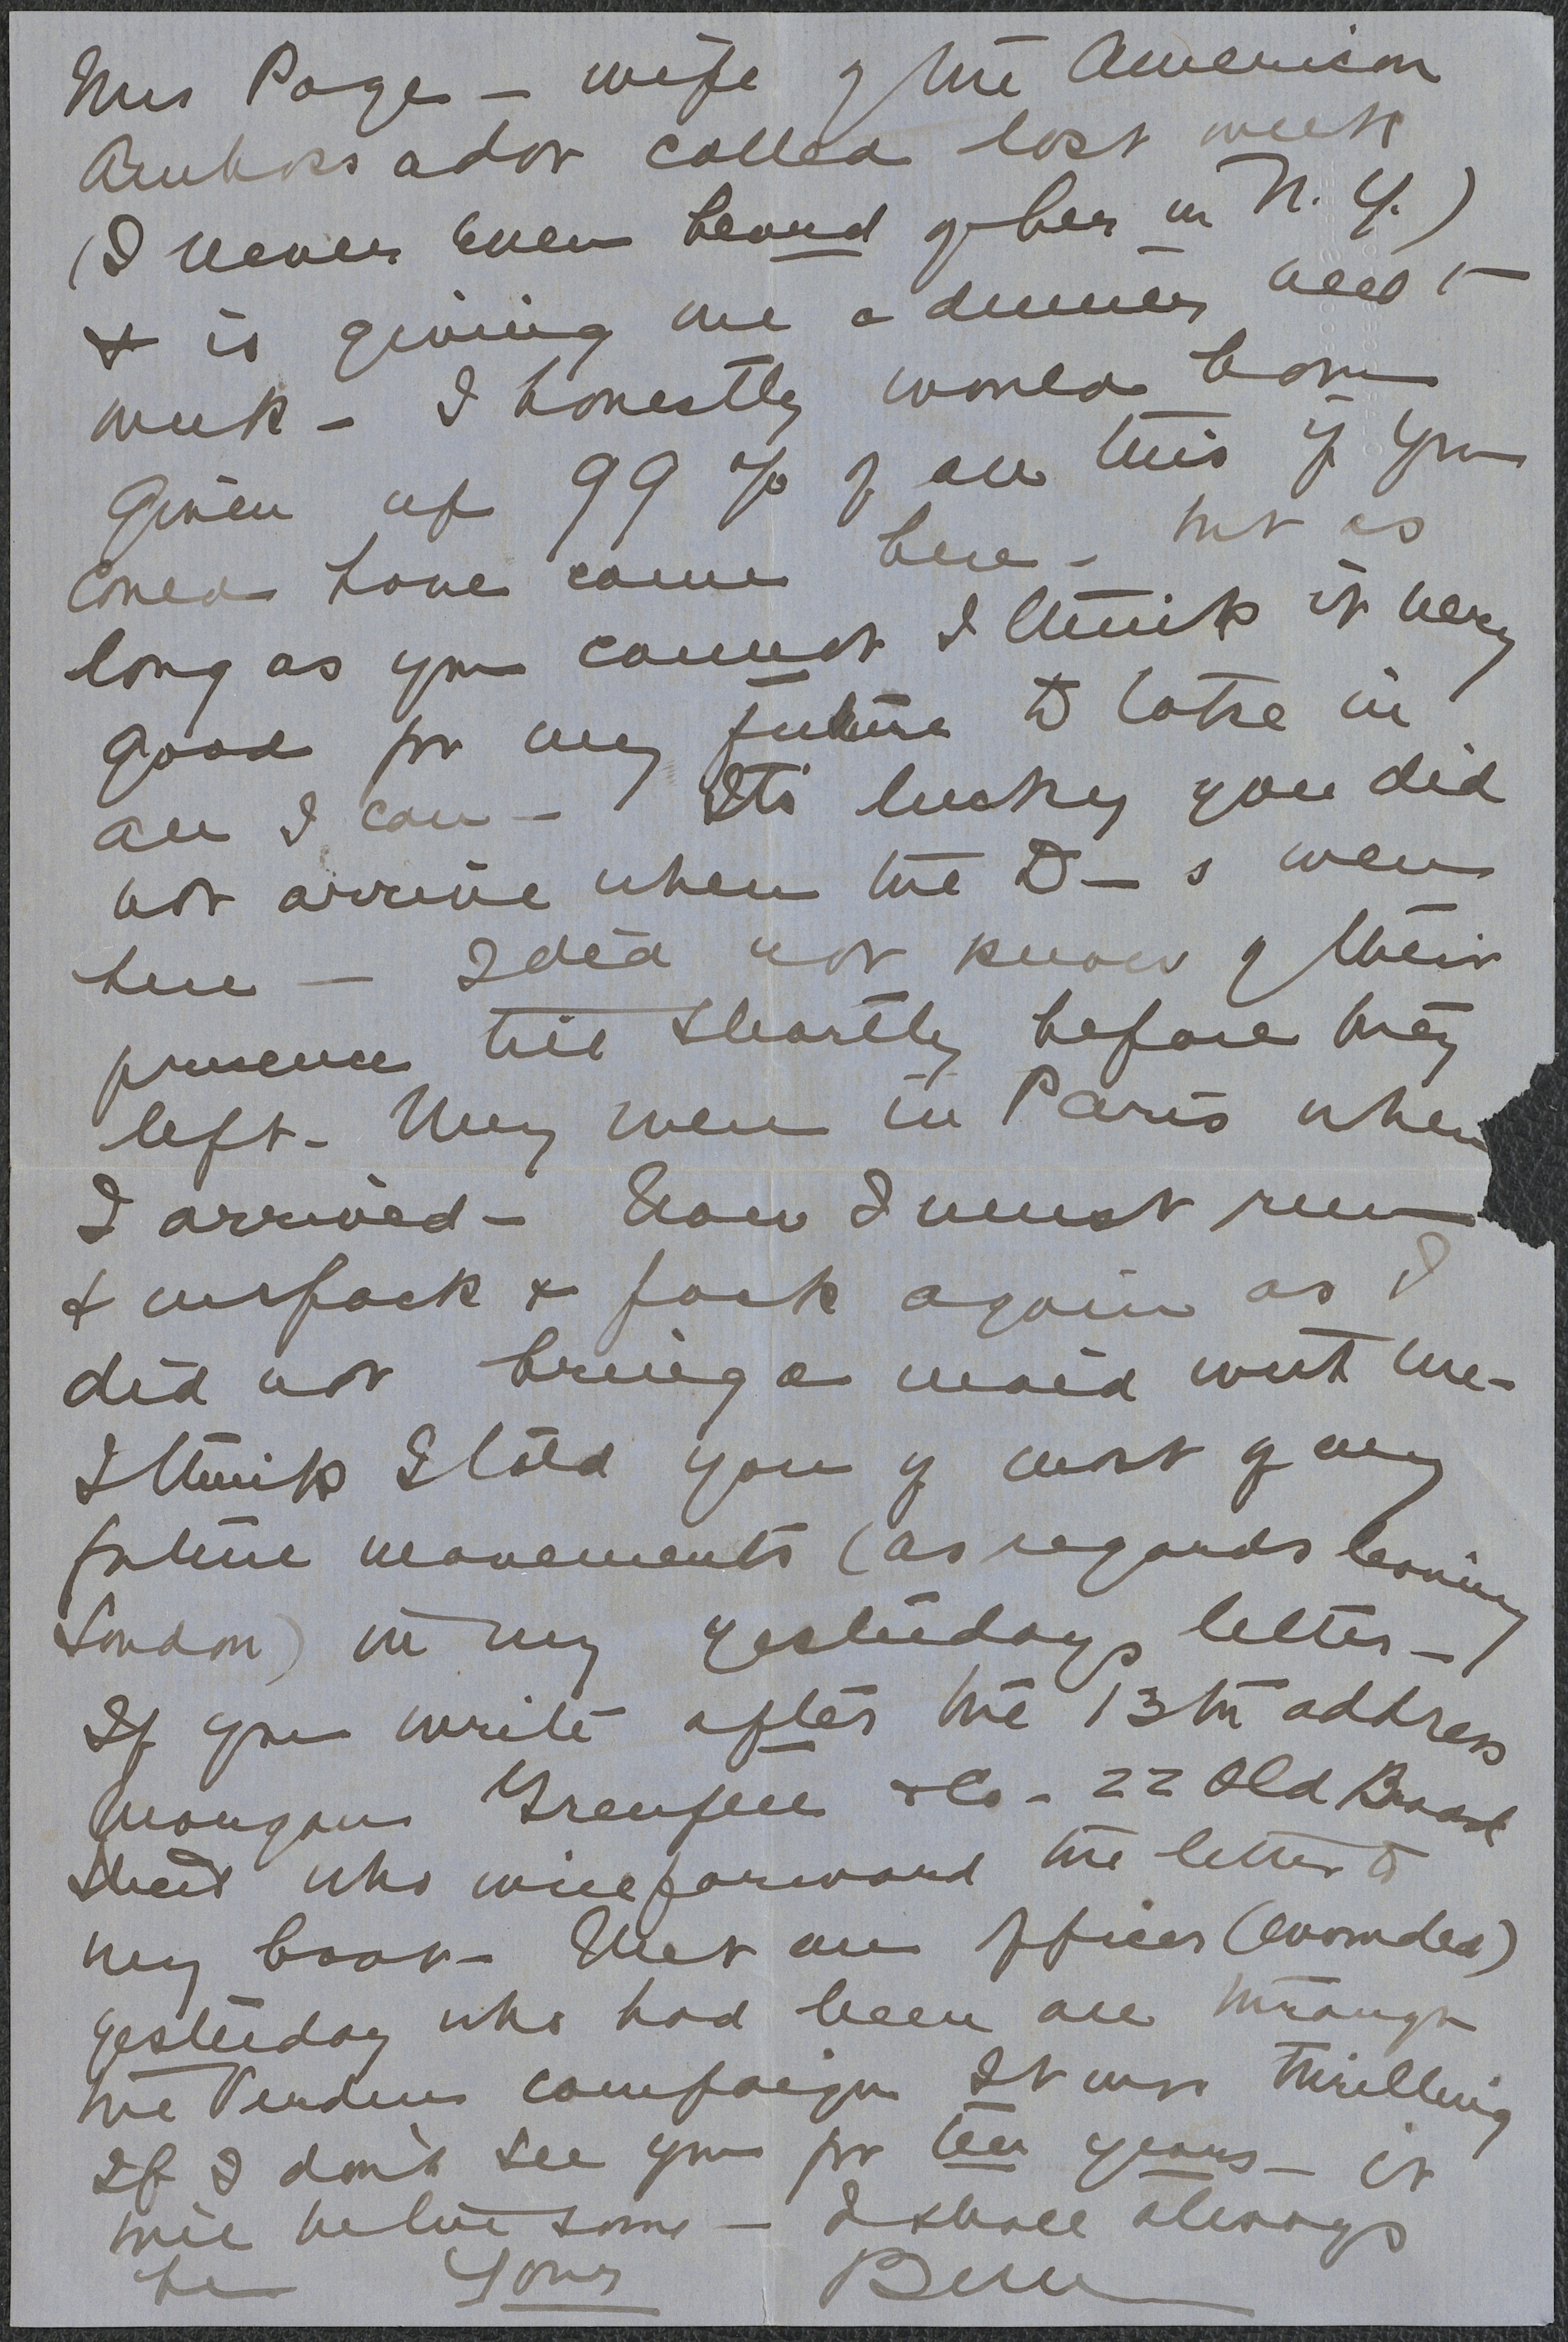Mrs Page – wife of the American Ambassador called last week (I never even heard of her in N.Y.) & is giving me a dinner next week – I honestly would have given up 99% of all this if you could have come here – but so long as you cannot I think it very good for my future to take in all I can – It’s lucky you did not arrive when the D–s were here – I did not know of their presence til shortly before they left. They were in Paris when I arrived – & now I must run & unpack & pack again as I did not bring a maid with me – I think I told you of most of my future movements (as regards leaving London) in my yesterdays letters – If you write after the 13th address Morgan Grenfell & Co – 22 Old Broad Street who will forward the letters to my boat – Met an officer (wounded) yesterday who had been all through the Verdun campaign It was thrilling
If I don’t see you for ten years – it will be lonesome – I shall always be Your Belle